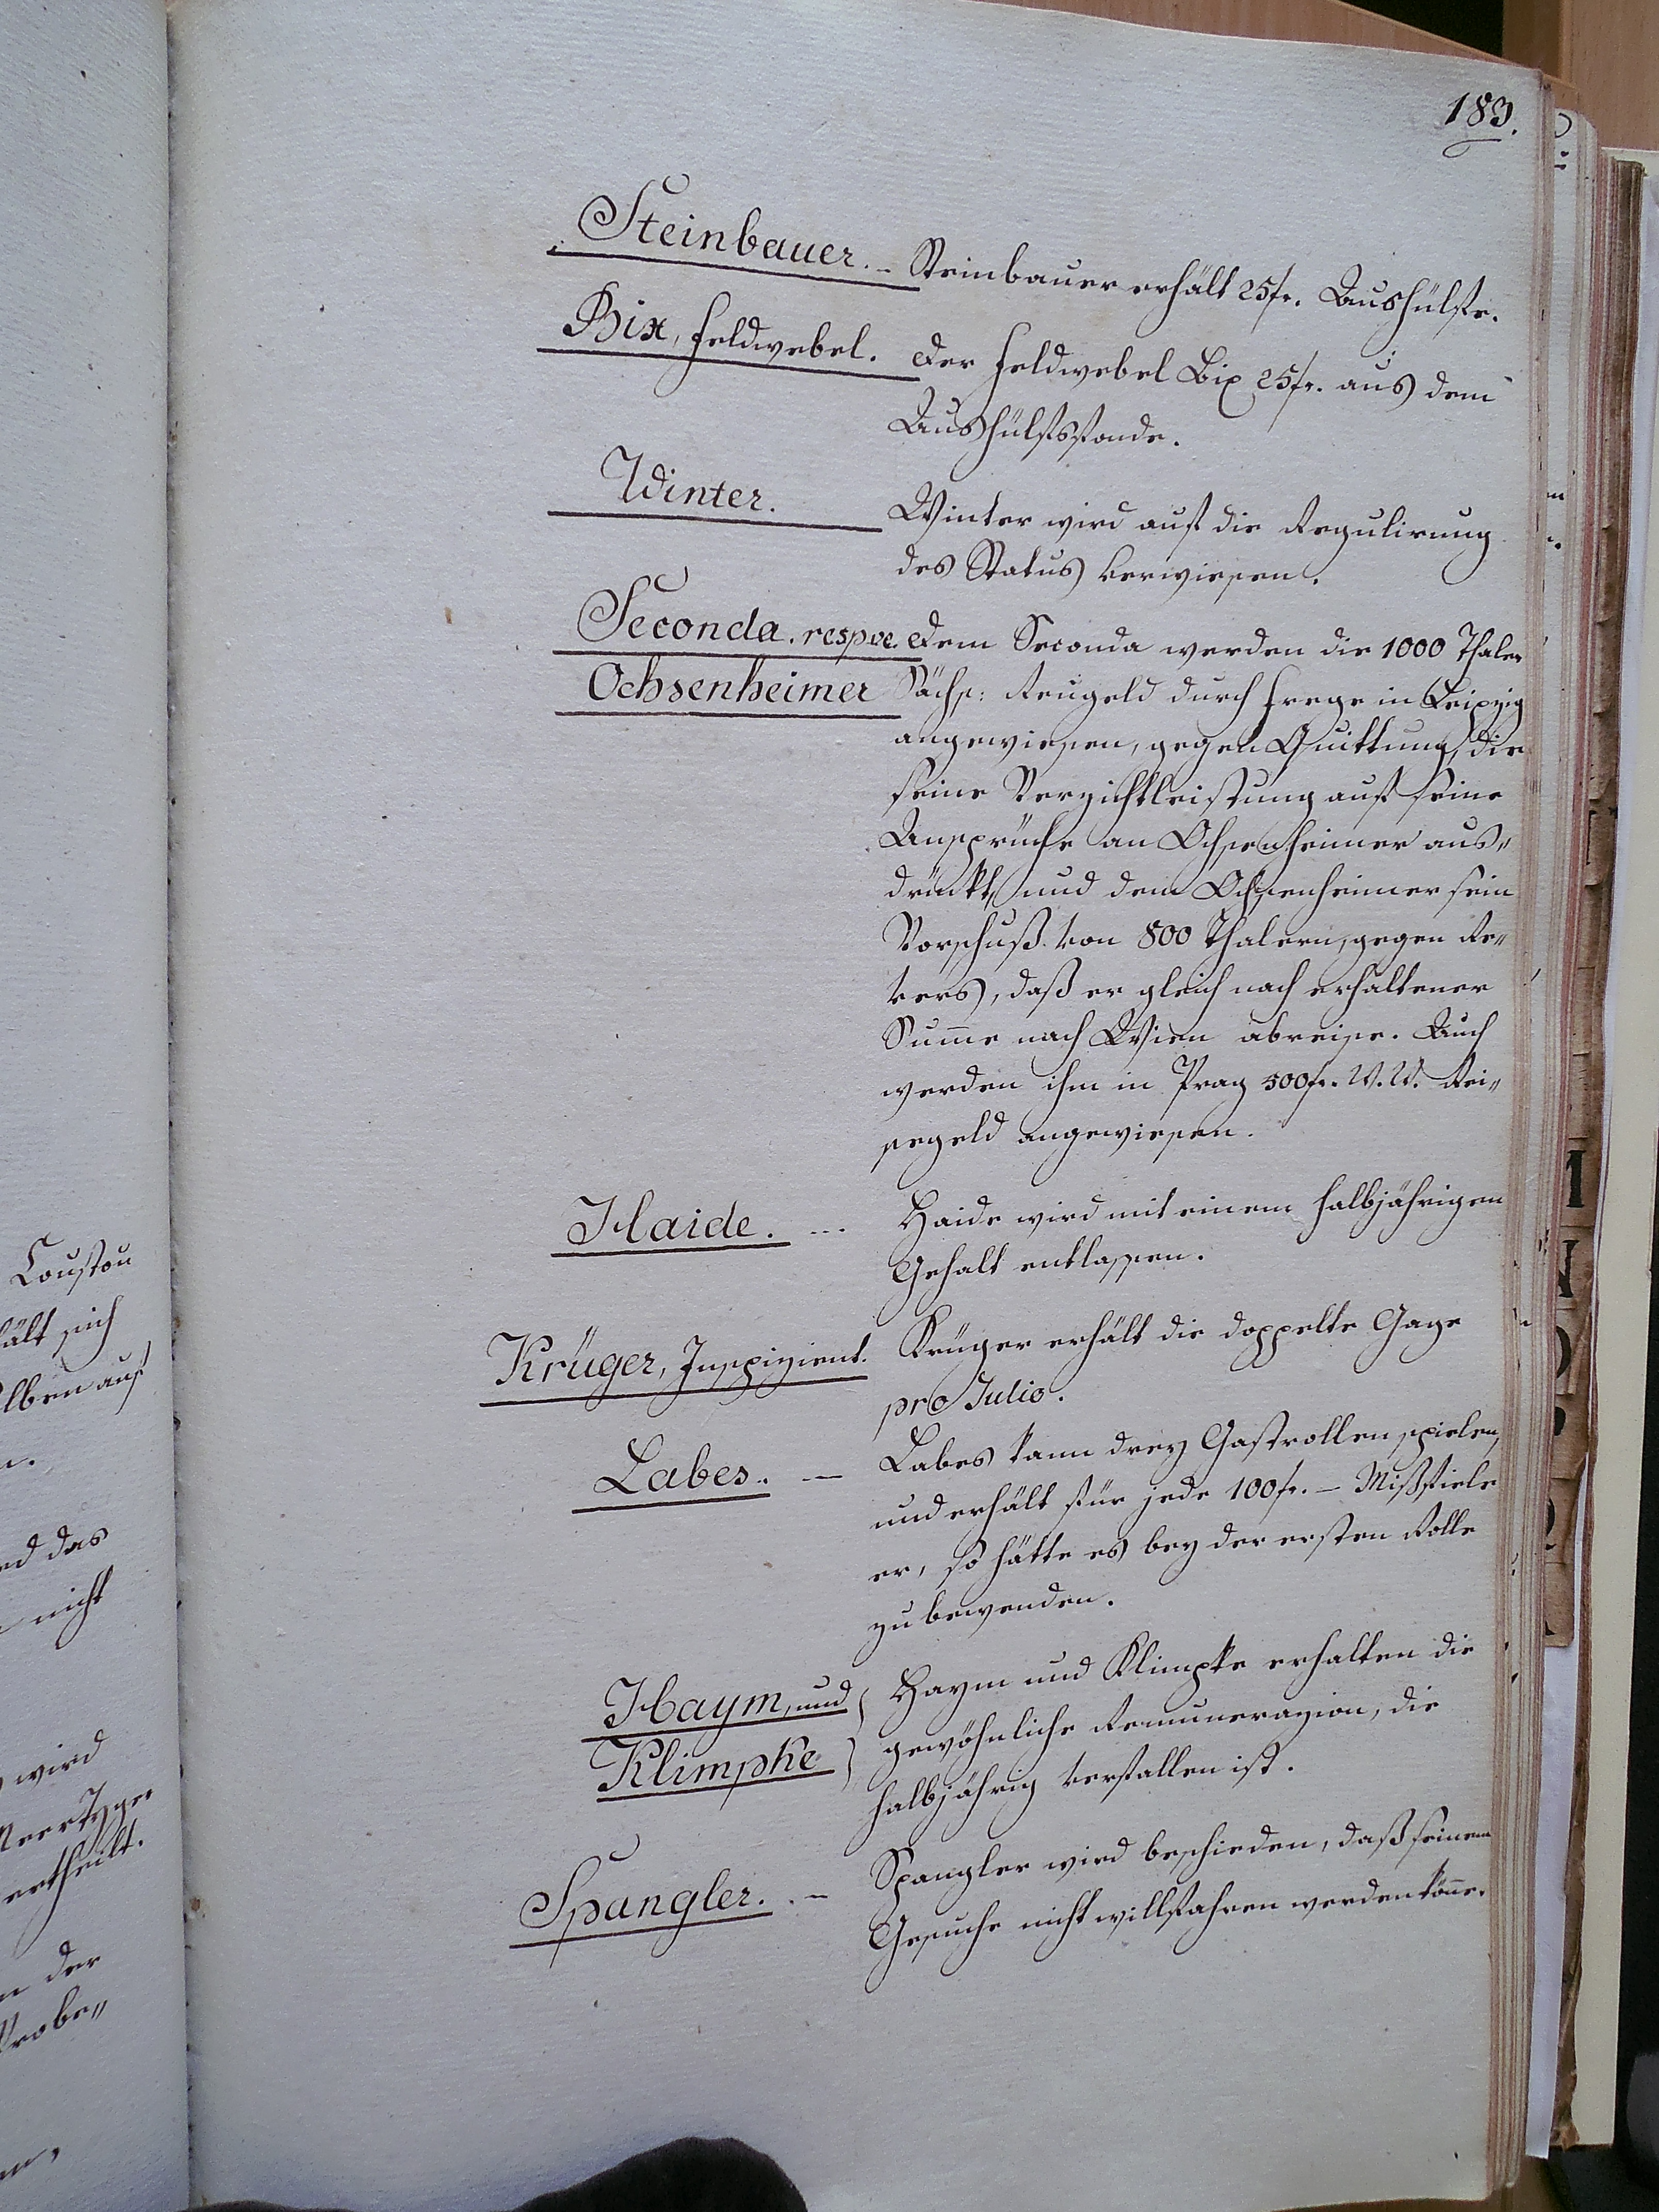183.
Steinbauer. .. Steinbauer erhält 25fr. Aushülfe.
Bix, Feldwebel. Der Feldwebel Bix 25fr aus dem
Aushülfsfonde.
Winter. Winter wird auf die Regulirung
des Status verwiesen.
Seconda, respoe
Ochsenheimer
Dem Seconda werden die 1000 Thaler
Sächs: Reisegeld durch Frege in Leipzig
angewiesen, gegen Quittung, die
seine Verzichtleistung auf seine
Ansprüche an Ochsenheimer aus¬
drückt, und dem Ochsenheimer sein
Vorschuß von 800 Thalern, gegen Re¬
vers, daß er gleich nach erhaltener
Sum̅e nach Wien abreise. Auch
werden ihm im Prag 500fr. W.W Rei¬
segeld angewiesen.
Haide. ... Haide wird mit einem halbjährigen
Gehalt entlassen.
Krüger, Inspizient. Krüger erhält die doppelte Gage
pro Julio.
Labes. ... Labes kann drey Gastrollen spielen,
und erhält für jede 100fr. - Mißfiele
er, so hätte es bey der ersten Rolle
zu bewenden.
Haym, und
Klimpke
Haym und Klimpke erhalten die
gewöhnliche Remunerazion, die
halbjährig verfallen ist.
Spangler. . .. Spangler wird beschieden, daß seinem
Gesuche nicht willfahren werden kön̅e.